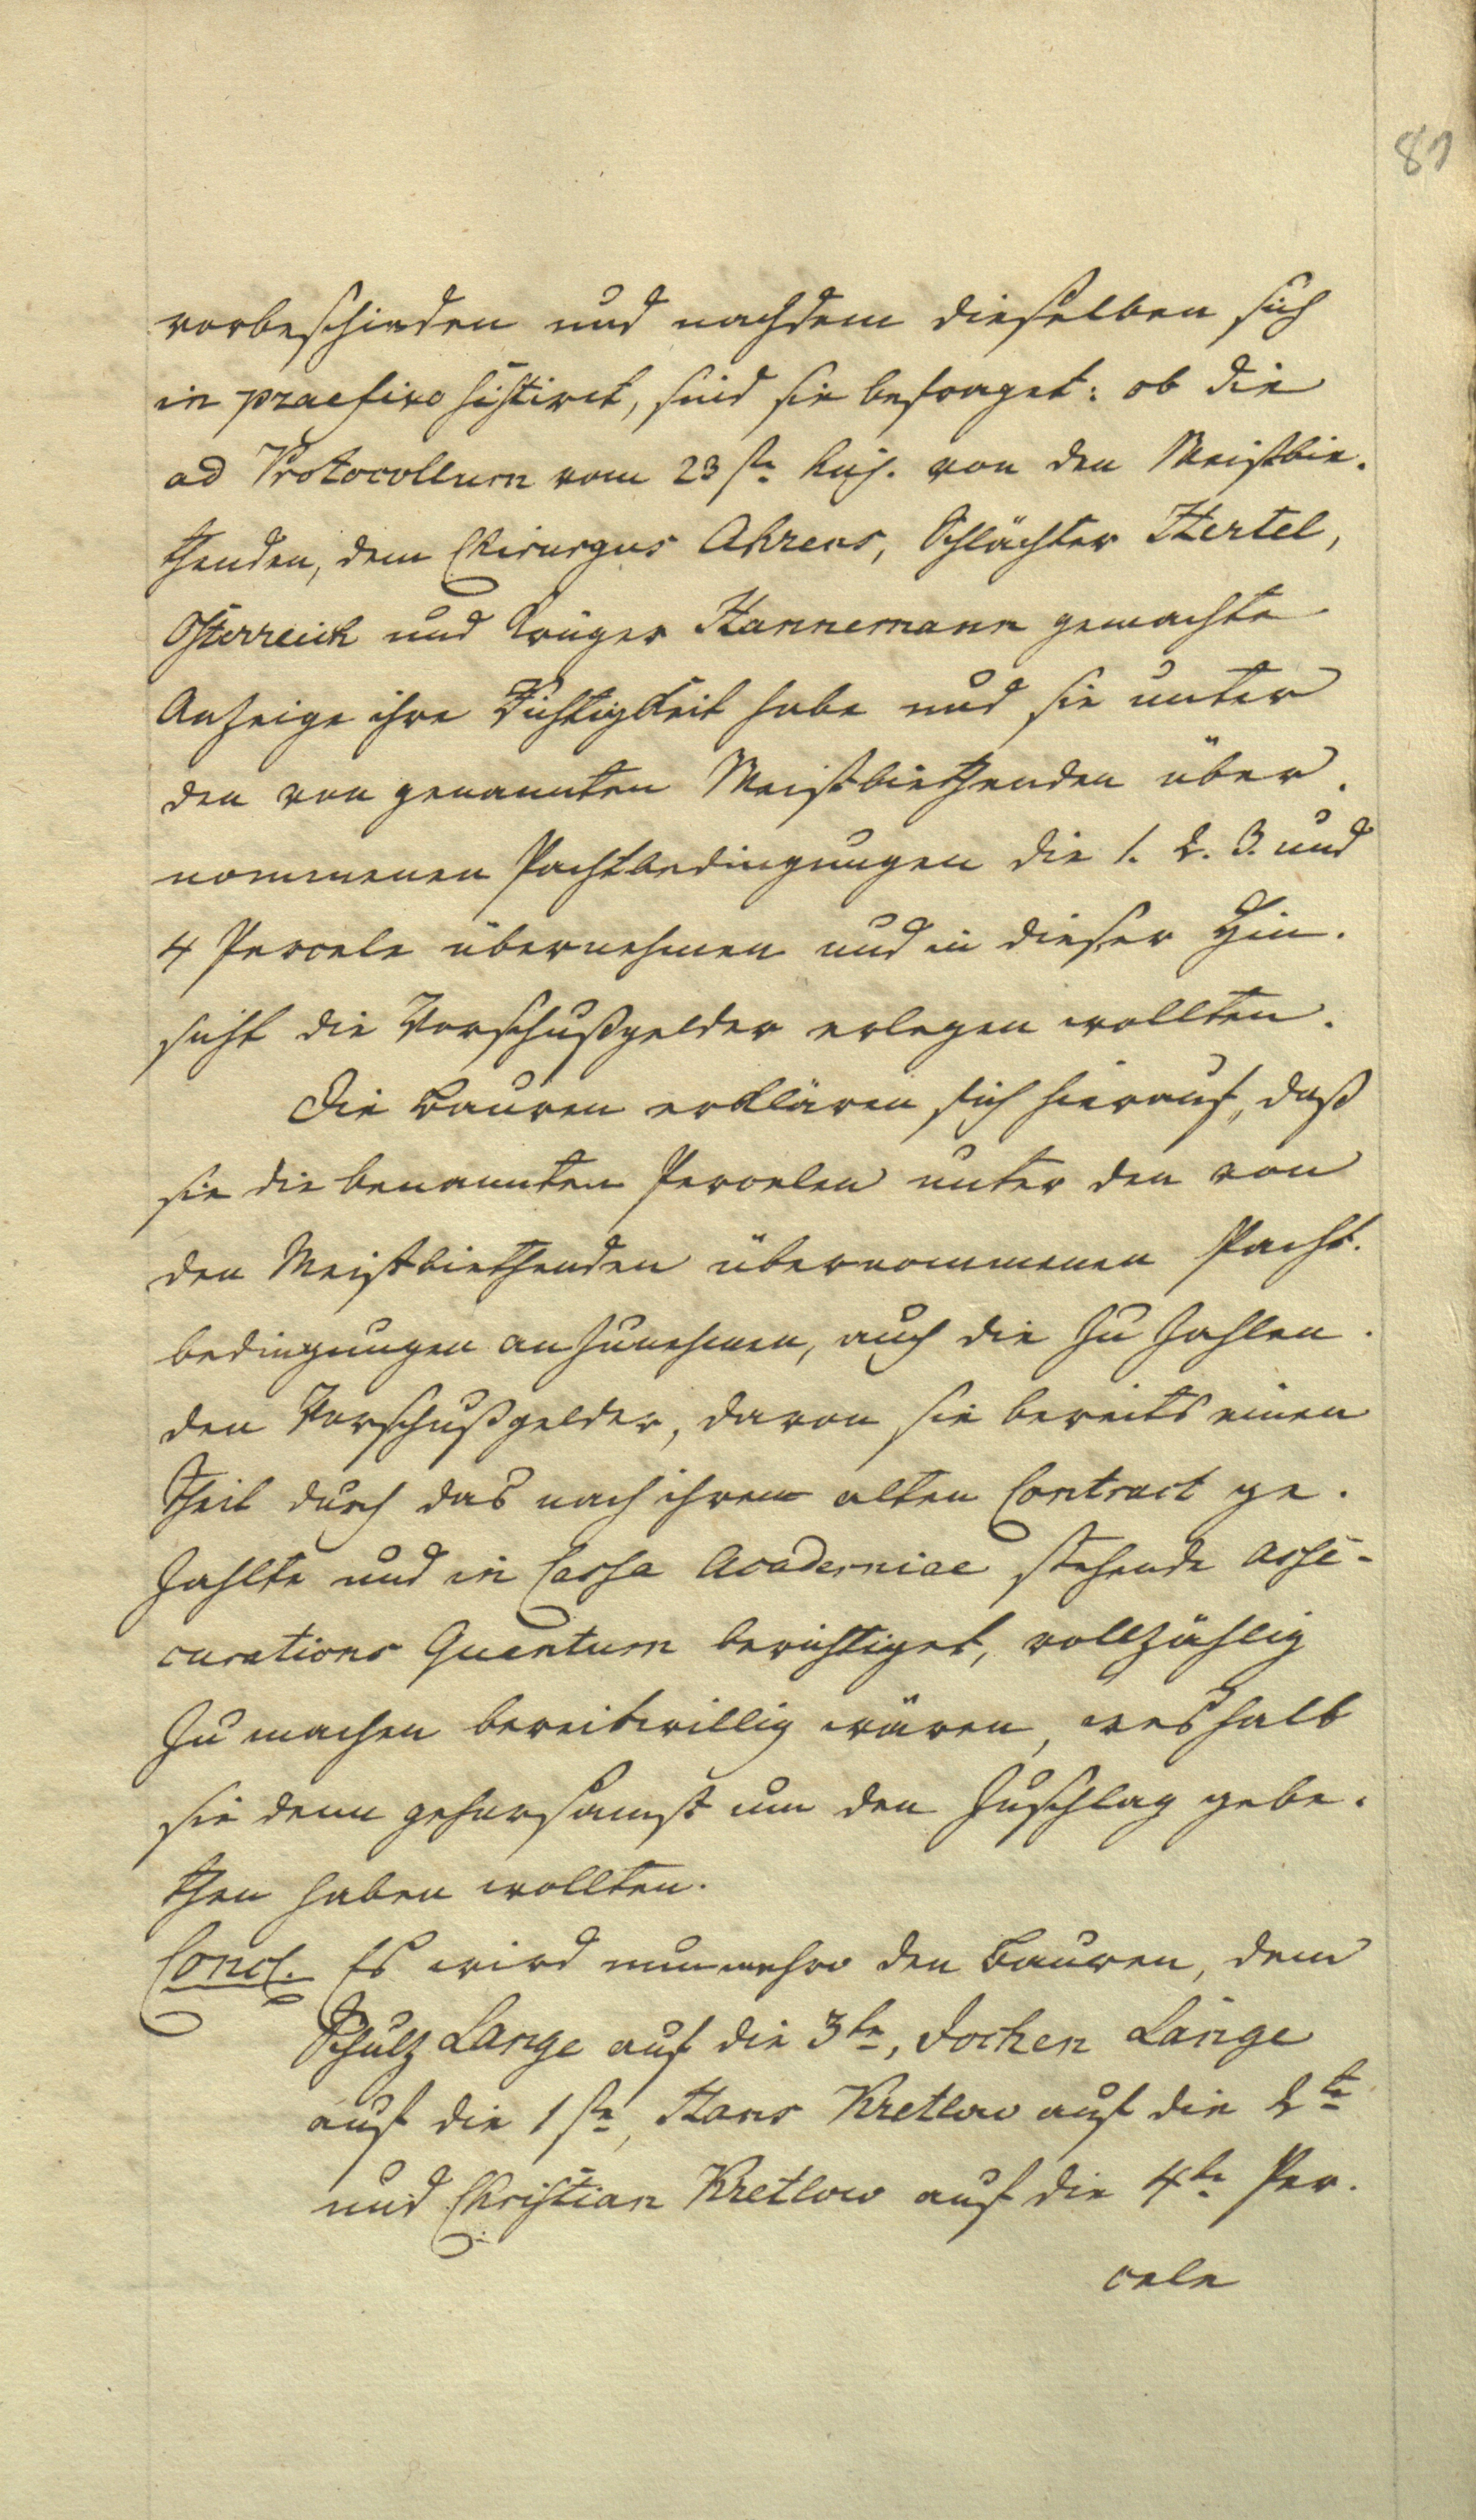vorbeschieden und nachdem dieselben sich
in praefivo sistiret, sind sie befraget: ob die
ad Protocollum vom 23 st huj. von den Meistbie¬
thenden, dem Chirurgus Ahrens, Schlächter Hertel,
Österreich und Krüger Hannemann gemachte
Anzeige ihre Richtigkeit habe und sie unter
den von genannten Meistbiethenden über¬
nommenen Pachtbedingungen die 1. 2. 3. und
4 Percele übernehmen und in dieser Hin¬
sicht die Vorschußgelder erlegen wollten.
Die Bauren erklären sich hierauf, daß
sie die benannten Percelen unter den von
den Meistbiethenden übernommenen Pacht¬
bedingungen anzunehmen, auch die zu zahlen¬
den Vorschußgelder, davon sie bereits einen
Theil durch das nach ihrem alten Contract ge¬
zahlte und in Cassa Academiae stehende Asse
curations Quantum berichtiget, vollzählig
zu machen bereitwillig wären weshalb
sie denn gehorsamst um den Zuschlag gebe¬
then haben wollten.
Concl. Es wird nunmehro den Bauren, dem
Schulz Lange auf die 3 te, Jochen Lange
auf die 1 ste, Hans Kretlow auf die 2 te
und Christian Kretlow auf die 4 te. Per¬
cele